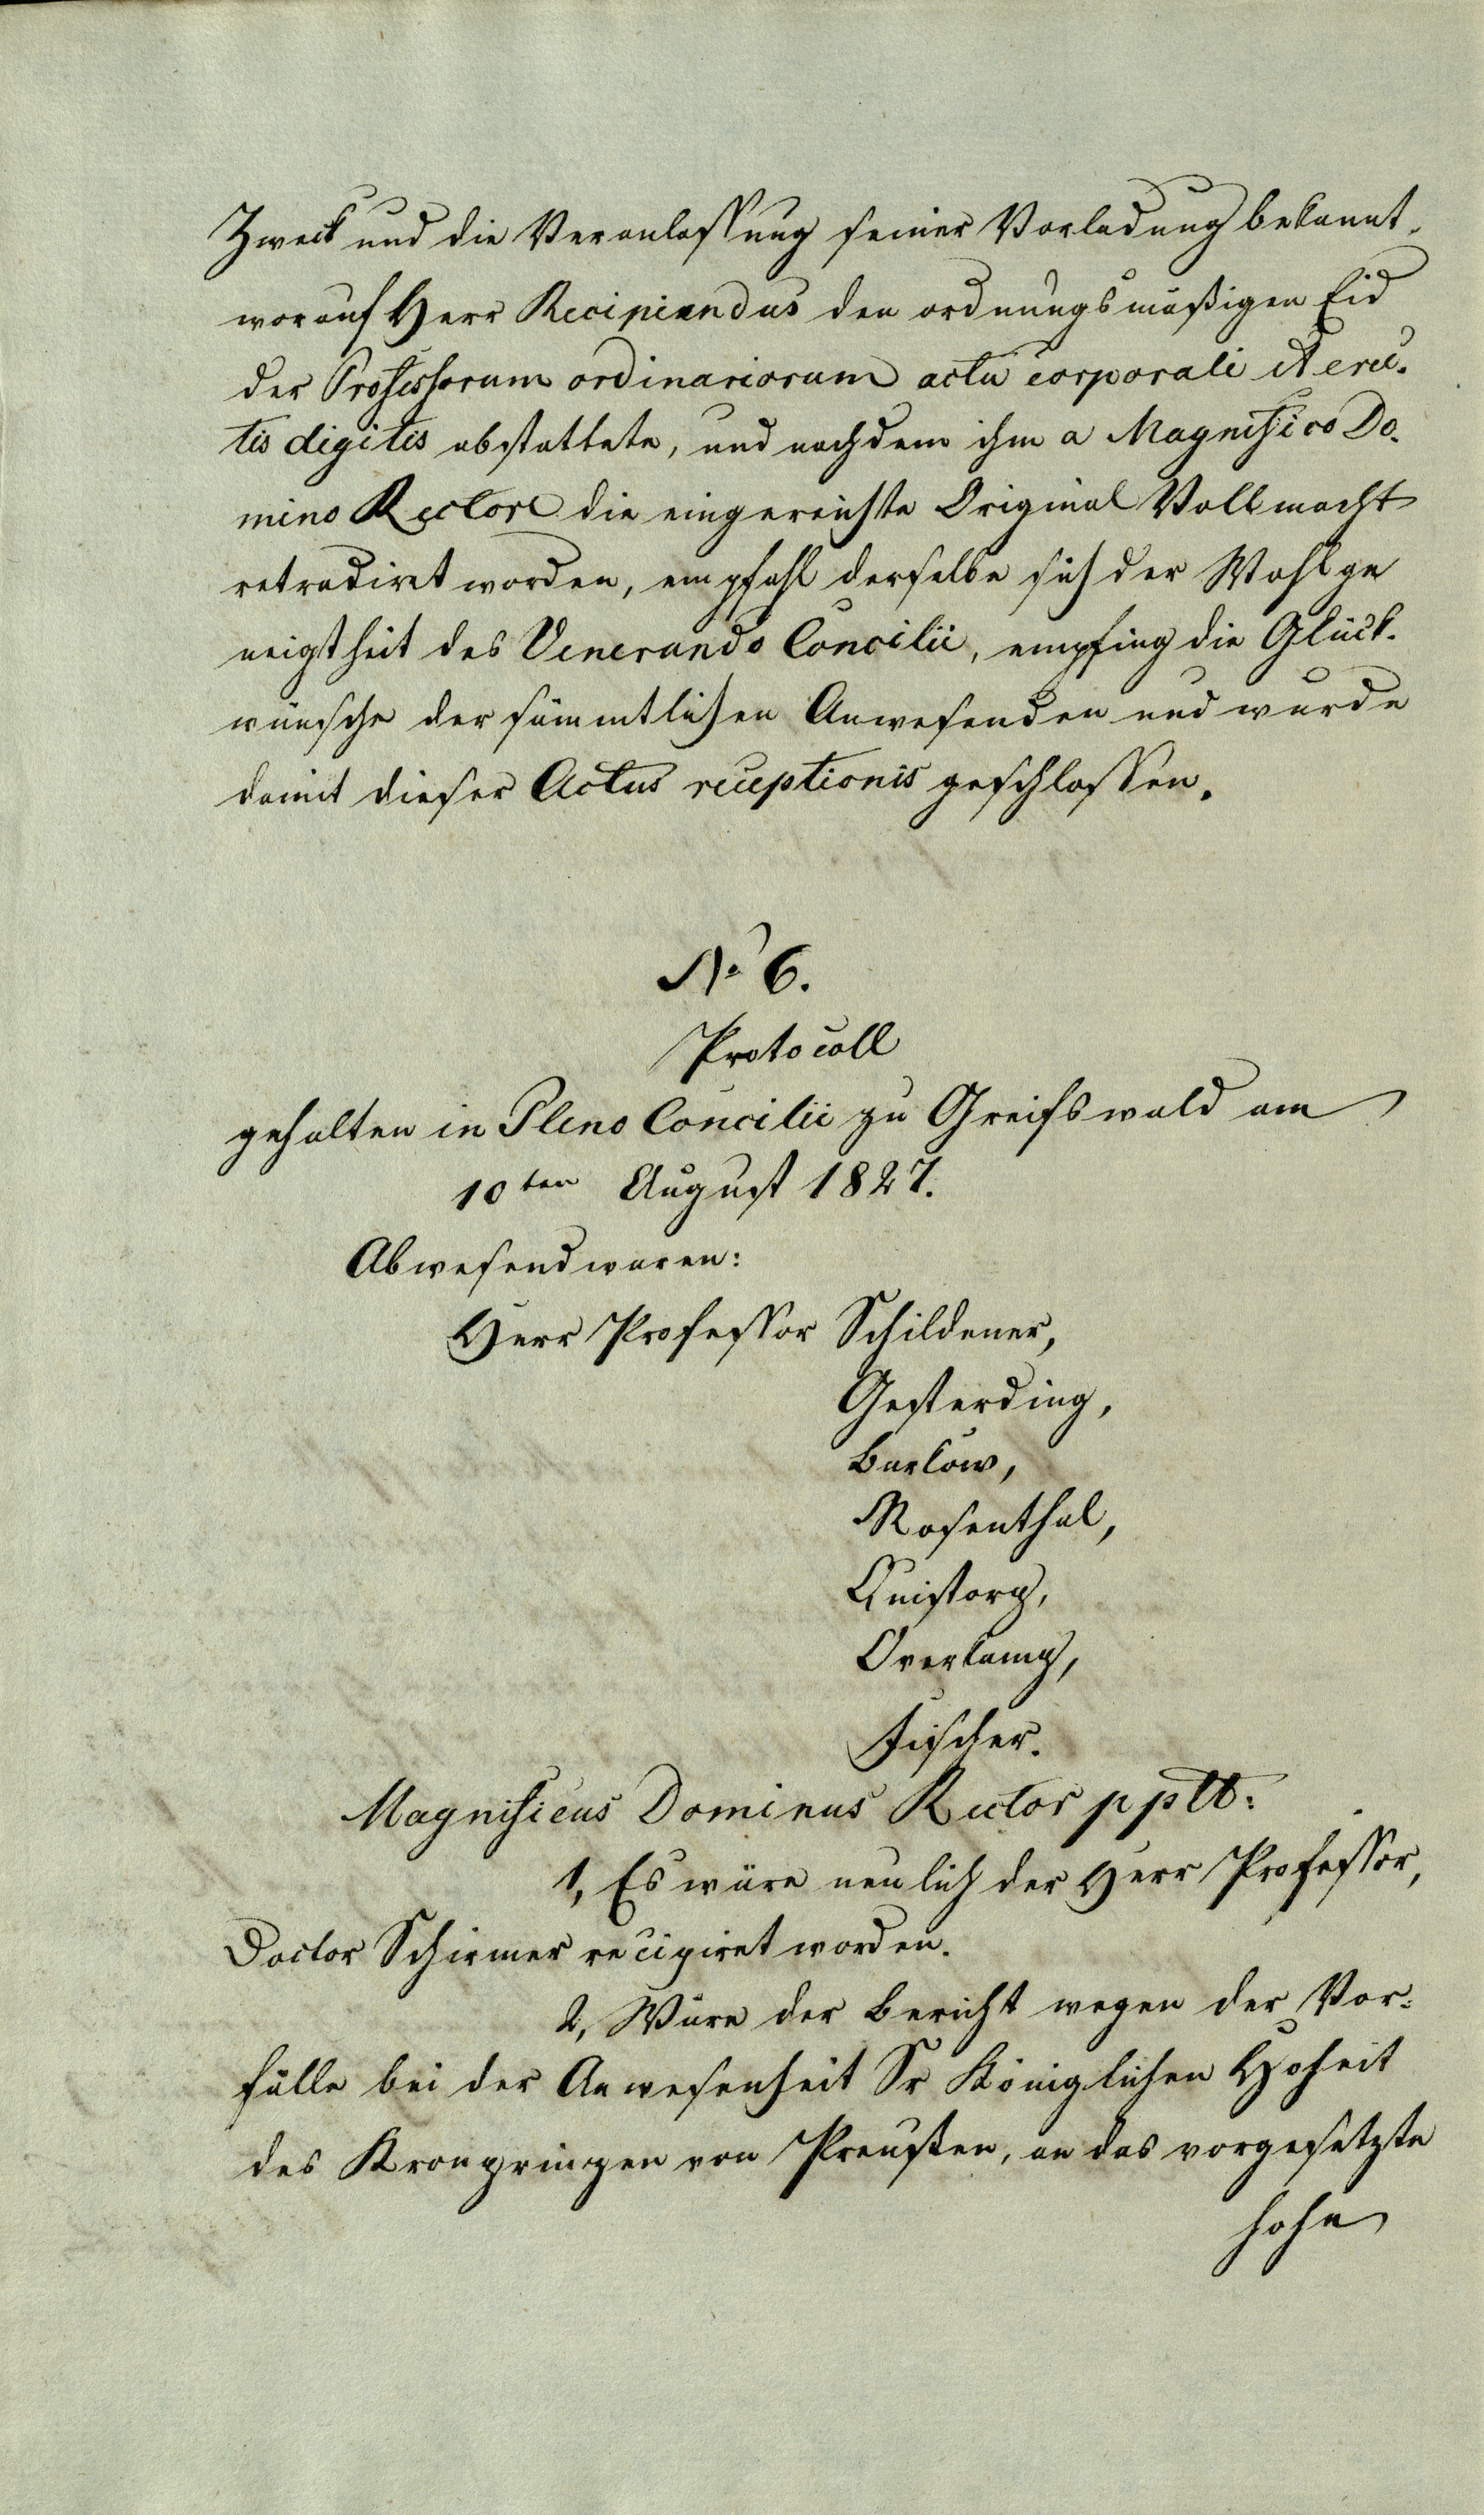Zweck und die Veranlassung seiner Vorladung bekannt,
worauf Herr Recipiandus den ordnungsmäßigen Eid
der Professorum ordinariorum actu corporali et eru¬
tis digitis abstattete, und nachdem ihm a Magnifico Do¬
mino Rector die eingereichte Original Vollmacht
retradiret worden, empfahl derselbe sich der Wohlge¬
neigtheit des Venerando Concilii, empfing die Glück¬
wünsche der sämmtlichen Anwesenden und wurde
damit dieser Actus receptionis geschlossen.
Nº 6.
Protocoll
gehalten in Pleno Concilii zu Greifswald am
10ten August 1827.
Abwesend waren:
Herr Professor Schildener,
Gesterding,
Barkow,
Rosenthal,
Quistorp,
Overkamp,
Fischer.
Magnificus Dominus Rector pp tt:
1, Es wäre neulich der Herr Professor,
Doctor Schirmer recipiret worden.
2, Wäre der Bericht wegen der Vor¬
fälle bei der Anwesenheit Sr Königlichen Hoheit
des Kronprinzen von Preußen, an das vorgesetzte
hohe